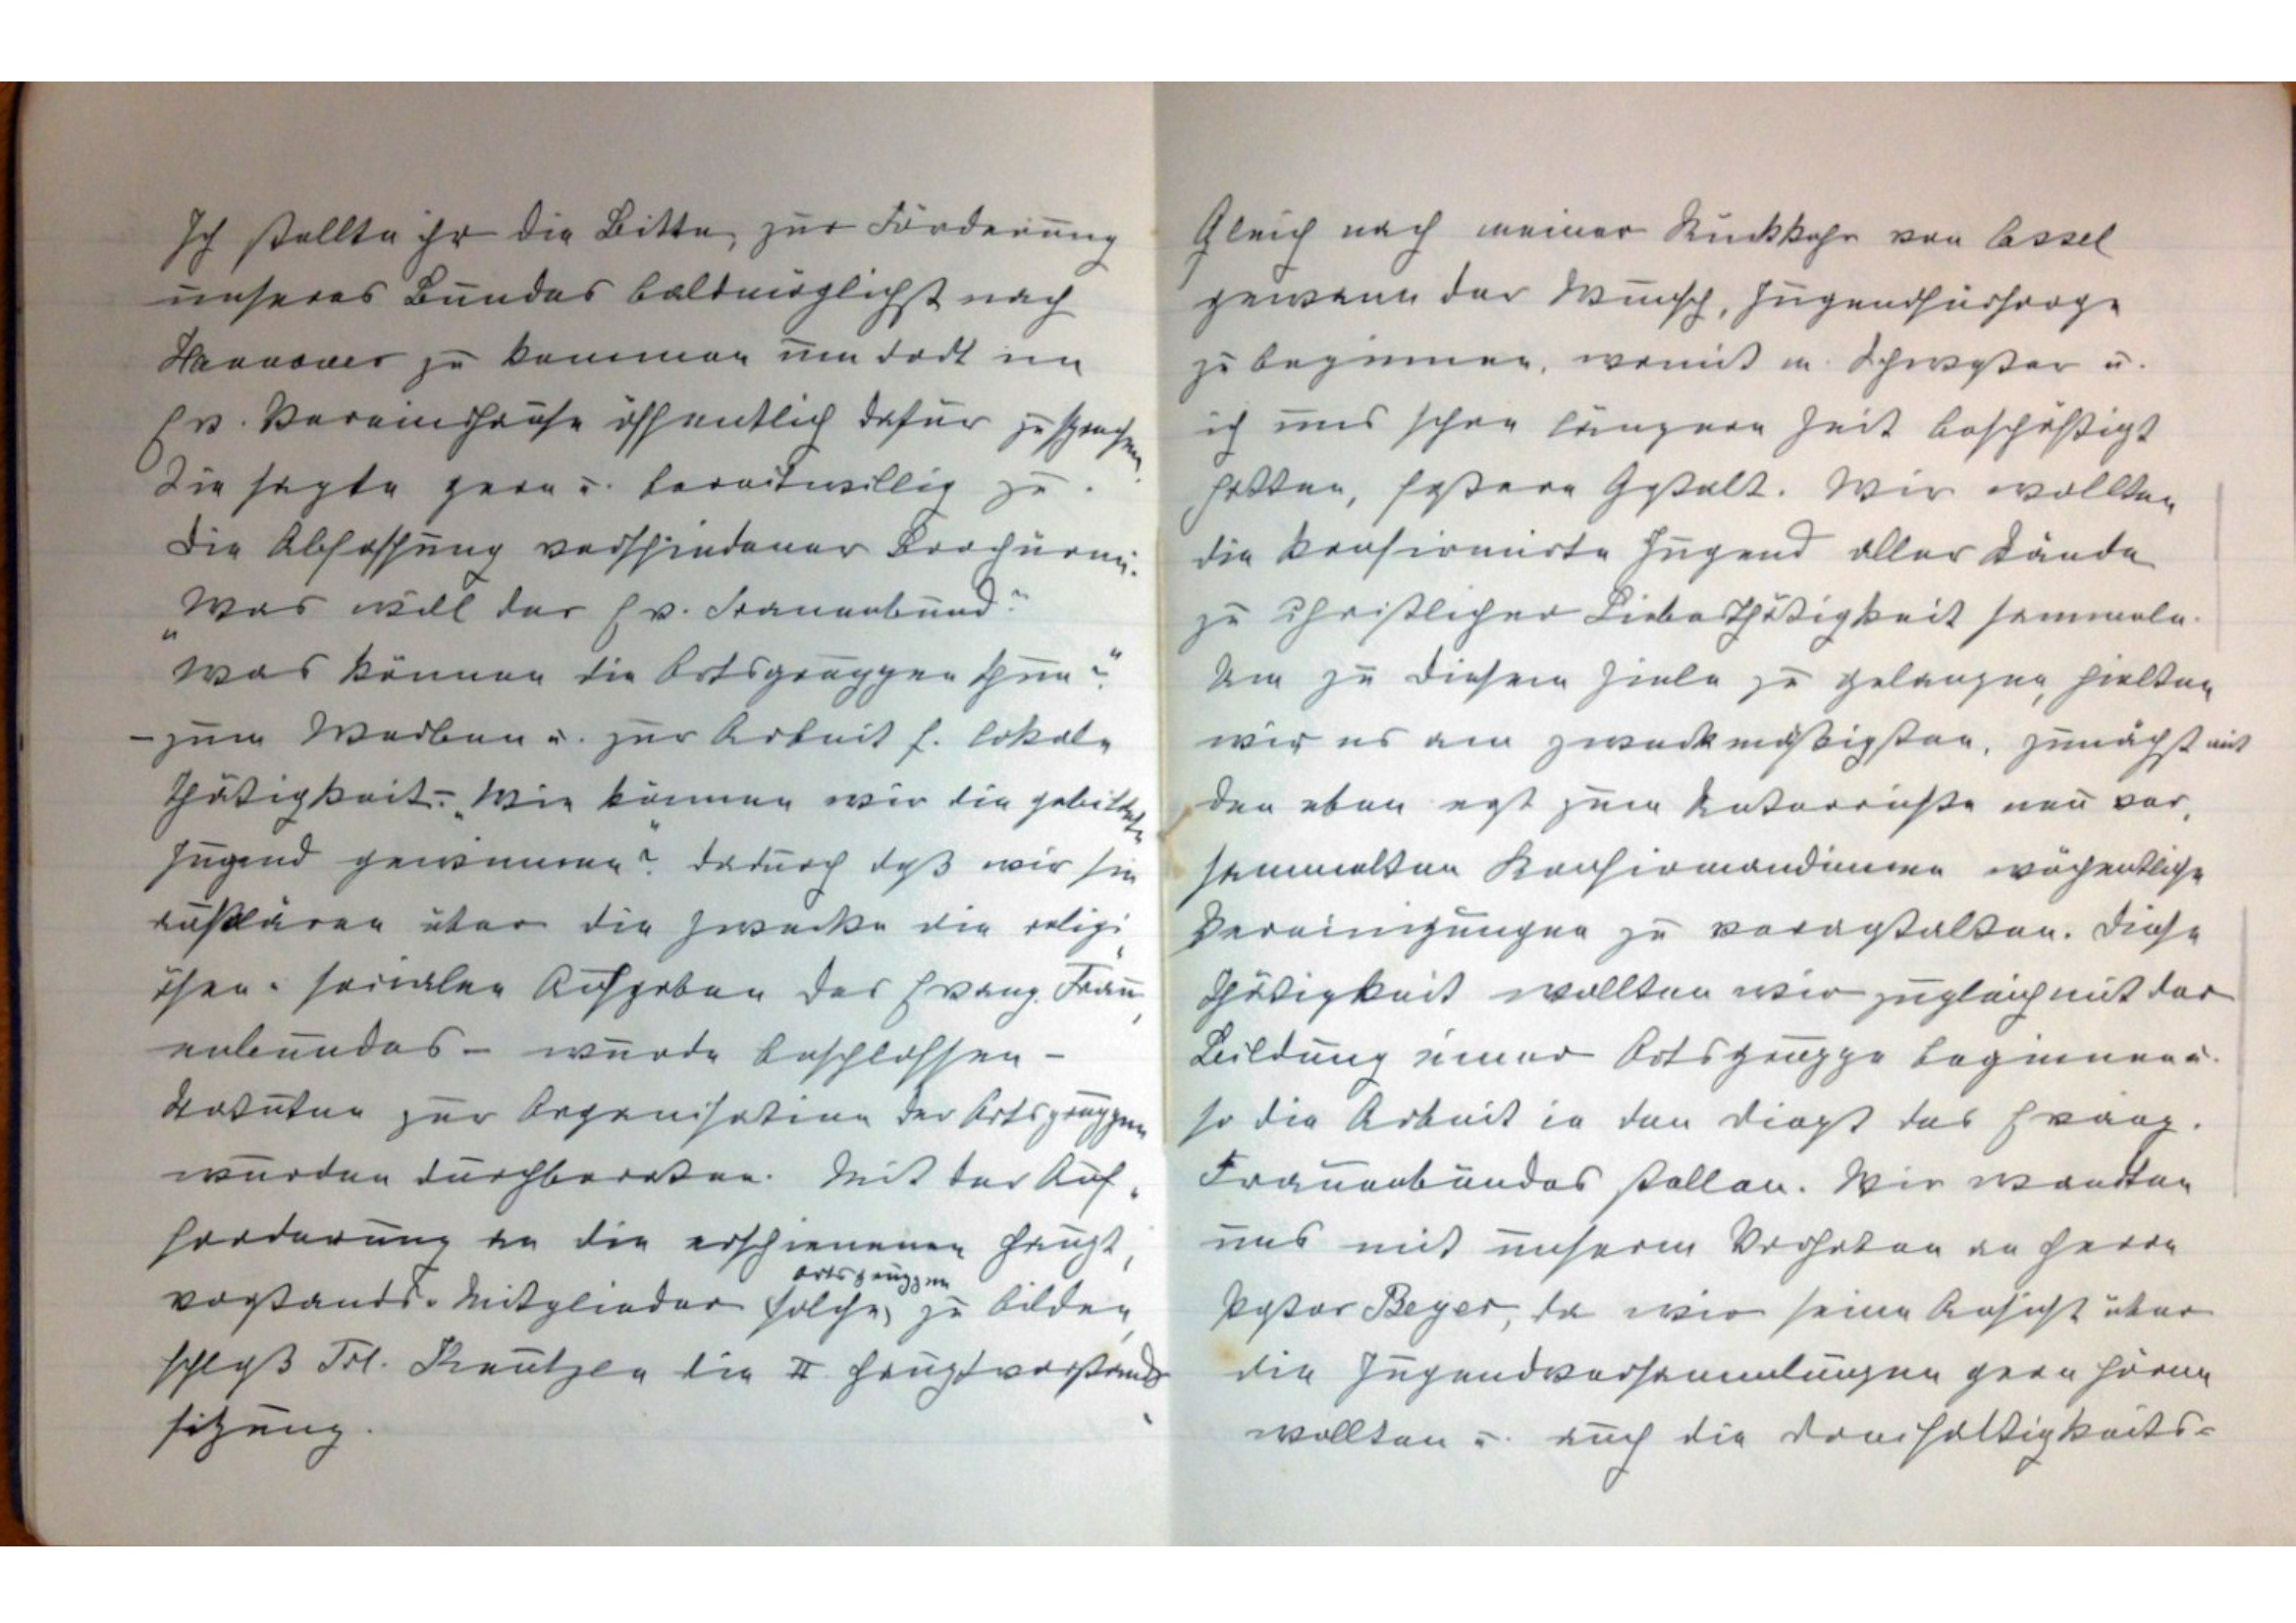Ich stellte ihr die Bitte zur Förderung
unseres Bundes baldmöglichst nach
nach Hannover zu kommen um dort im
Ev. Vereinshause öffentlich dafür zu sprechen.
Sie sagte gerne u. bereitwillig zu.
Die Abfassung verschiedener Broschüren:
„Was will der Ev. Frauenbund."
Was können die Ortsgruppen thun
zum Werben u. zur Arbeit f. lokale
Thätigkeit- Wie können wir die gebildete
Jugend gewinnen? dadurch daß wir sie
aufklären über die Zwecke die regi
ösen soîialen Aufgaben des Evang. Frau
enbundes – wurde beschlossen –
Statuten zur Organisation der Ortsgruppen
wurden durchberaten. Mit der Auf
forderung an die erschienenen Haupt
Ortgruppen
vorstands-Mitglieder solche zu bilden
schloß Frl. Knutzen die II. Hauptvorstands
sitzung.
Gleich nach meiner Rückkehr von Cassel
gewann der Wunsch Jugenführsorege
zu beginnen, womit m. Schwester u.
ich uns schon längere Zeit beschäftigt
beschäftigt hatten, festere Gestalt. Wir wollten
die konfirmierte Jugend aller Stände
Stände zu christlicher Liebesthätigkeit sammeln.
Um zu diesem Ziele zu gelangen, hielten
wir es am zweckmäßigsten, zunächst mir
den eben erst zum Unterrichte neu ver
sammelten Konfirmandinnen wöchentliche
Vereinigungen zu veranstalten. Diese
Thätigkeit wollten wir zugleich mit der
Bildung einer Ortsgruppe beginnen
u. so die Arbeit in den Dienst des Evang.
Frauenbundes stellen. Wir wandten
uns mit unserem Vorhaben an Herrn
Pastor Beyer, da wir seine Ansicht über
die Jugendversammlungen gern hören
wollten u. auch die Dreifaltigkeits-